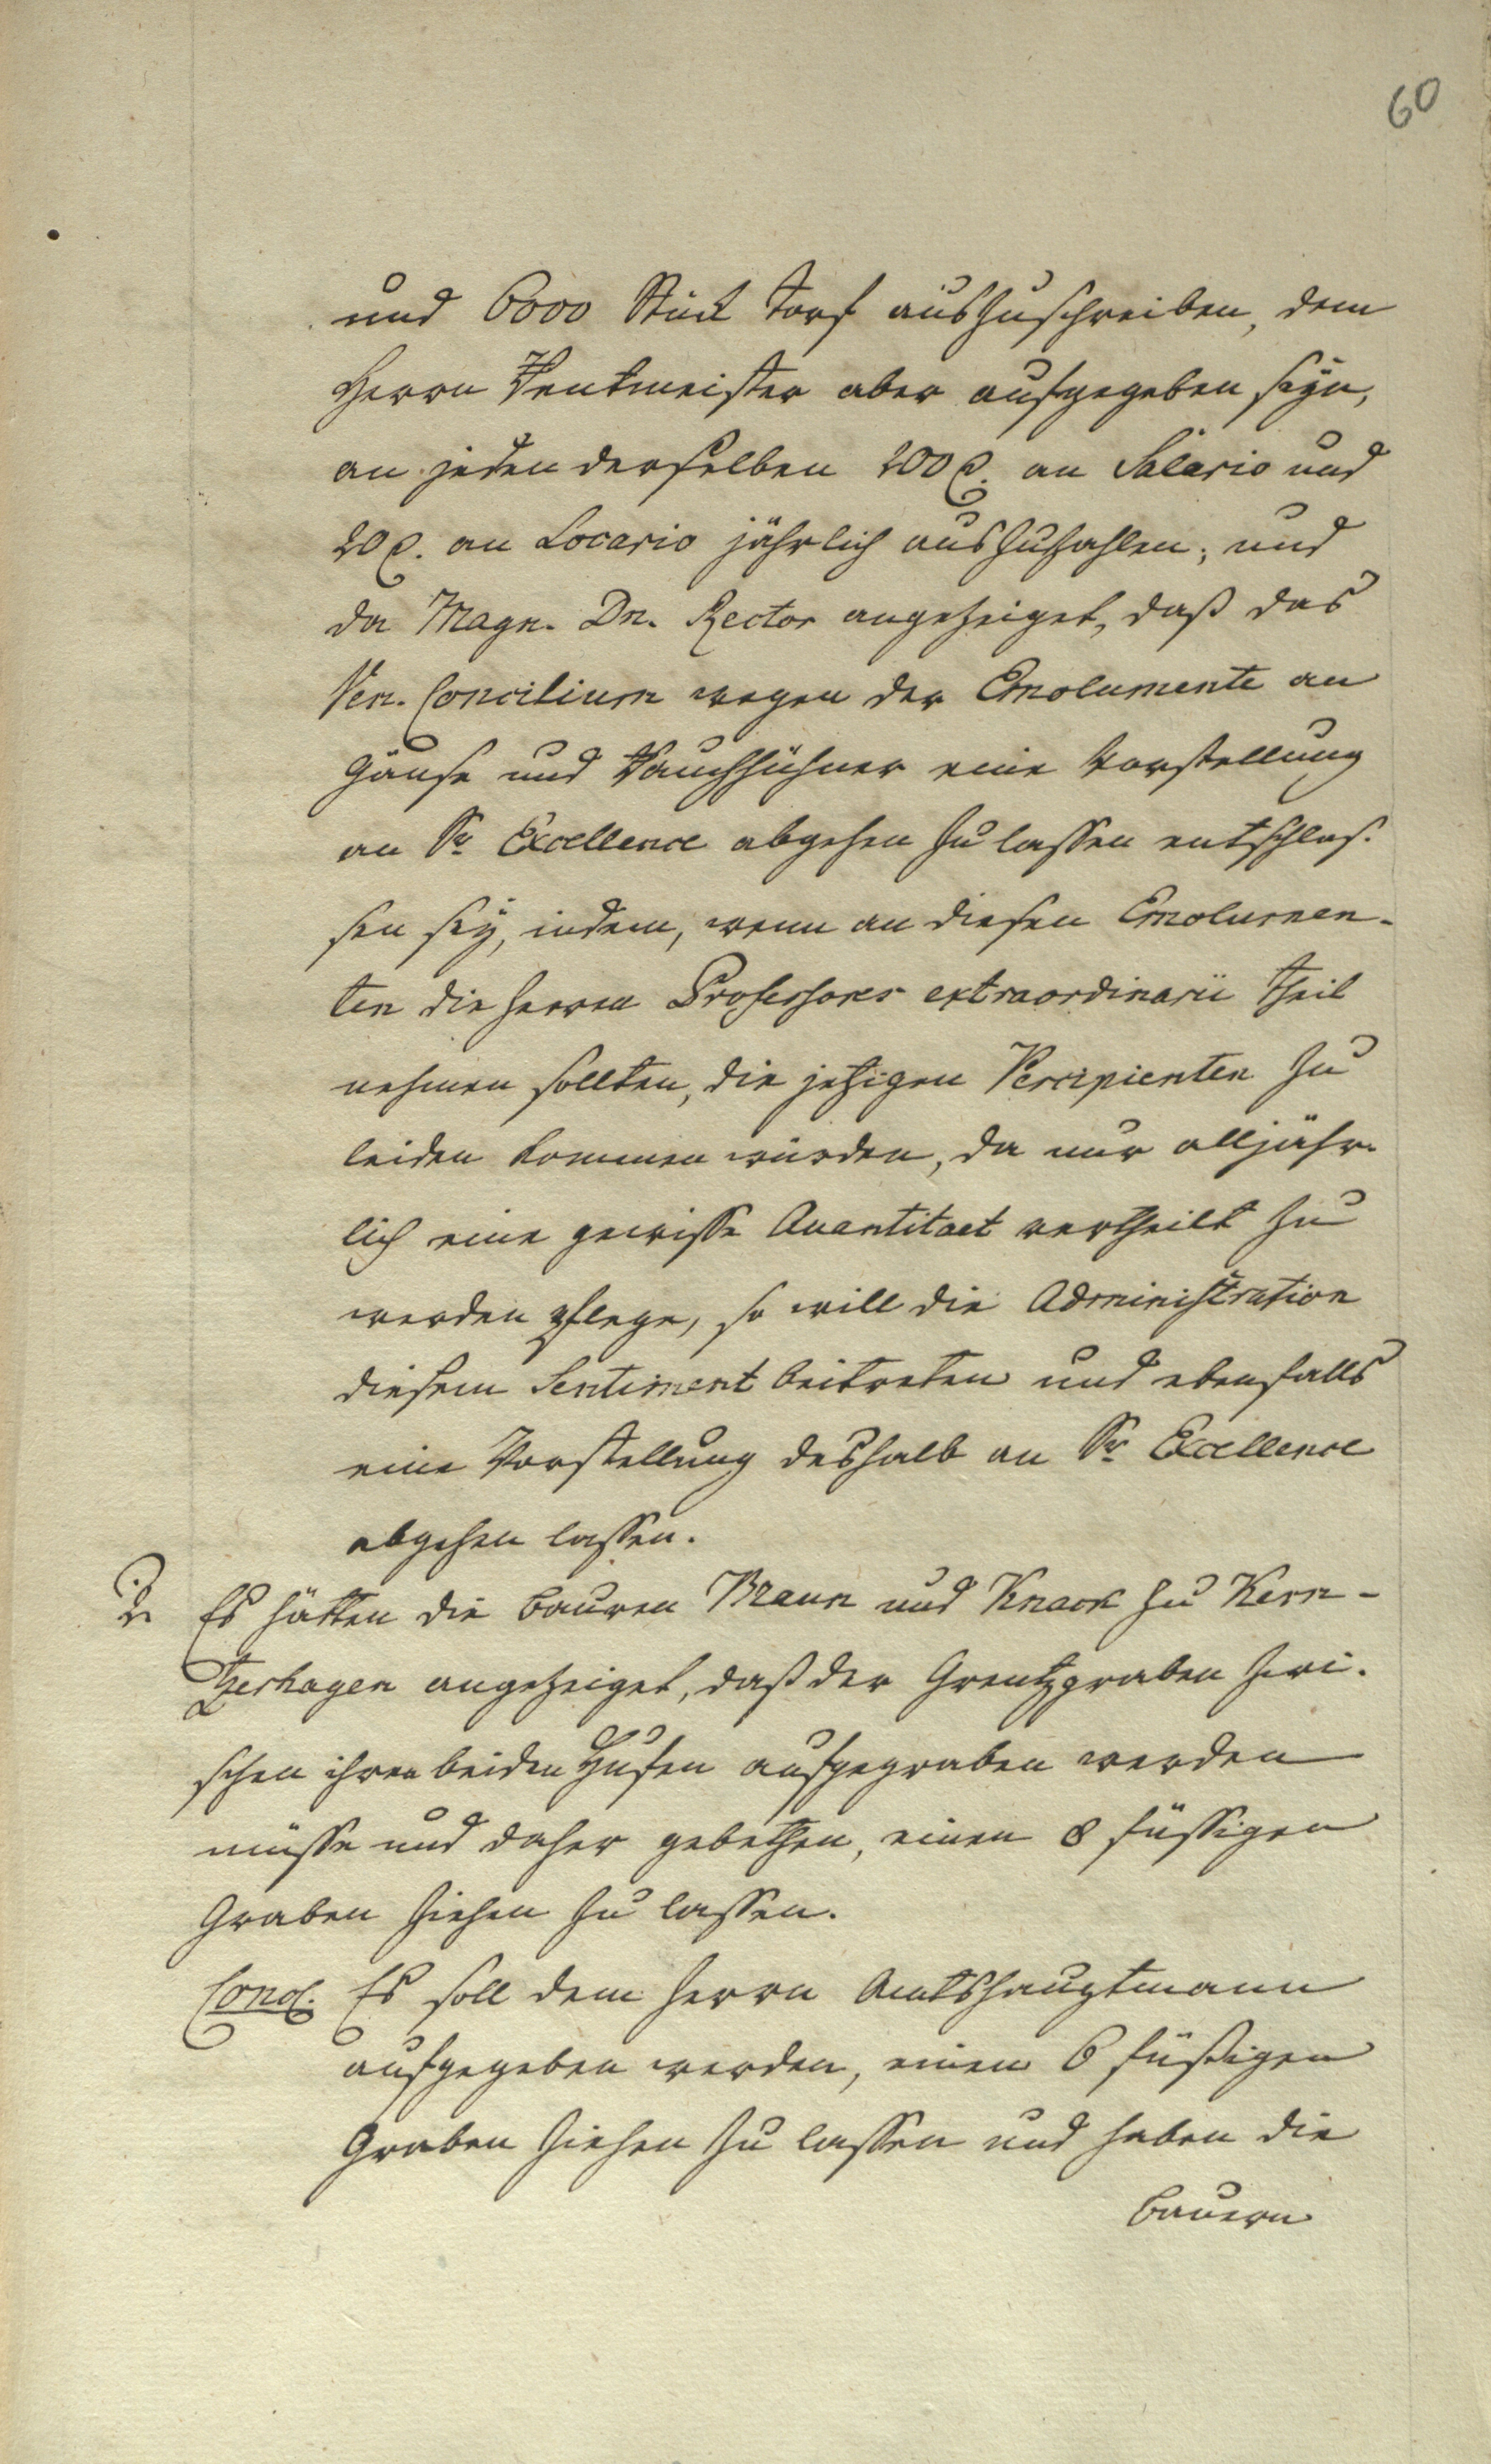und 6000 Stück Torf auszuschreiben, dem
Herrn Rentmeister aber aufgegeben seÿn,
an jeden derselben 200 l. an Salario und
20 l. an Locario jährlich auszuzahlen; und
da Magn. Dn. Rector angezeiget, daß das
Ven. Concilium wegen der Emolumente an
Gänse und Rauchhühner eine Vorstellung
an Sr Excellence abgehen zu lassen entschlos¬
sen seÿ, indem, wenn an diesem Emolumen¬
ten die Herren Professores extraordinarii Theil
nehmen sollten, die jetzigen Percipienten zu
leiden kommen würden, da nur alljähr¬
lich eine gewisse Quantitaet vertheilt zu
werden pflege, so will die Administration
diesem Sentiment beitreten und ebenfalls
eine Vorstellung deshalb an Sr Excellence
abgehen lassen.
2. Es hätten die Bauren Braun und Knaack zu Kem¬
tzerhagen angezeiget, daß der Grentzgraben zwi¬
schon ihren beiden Hufen aufgegraben werden
müsse und daher gebethen, einen 8 füßigen
Graben ziehen zu lassen.
Concl. Es soll dem Herrn Amtshauptmann
aufgegeben werden, einem 6 füßigen
Graben ziehen zu lassen und haben die
Bauern